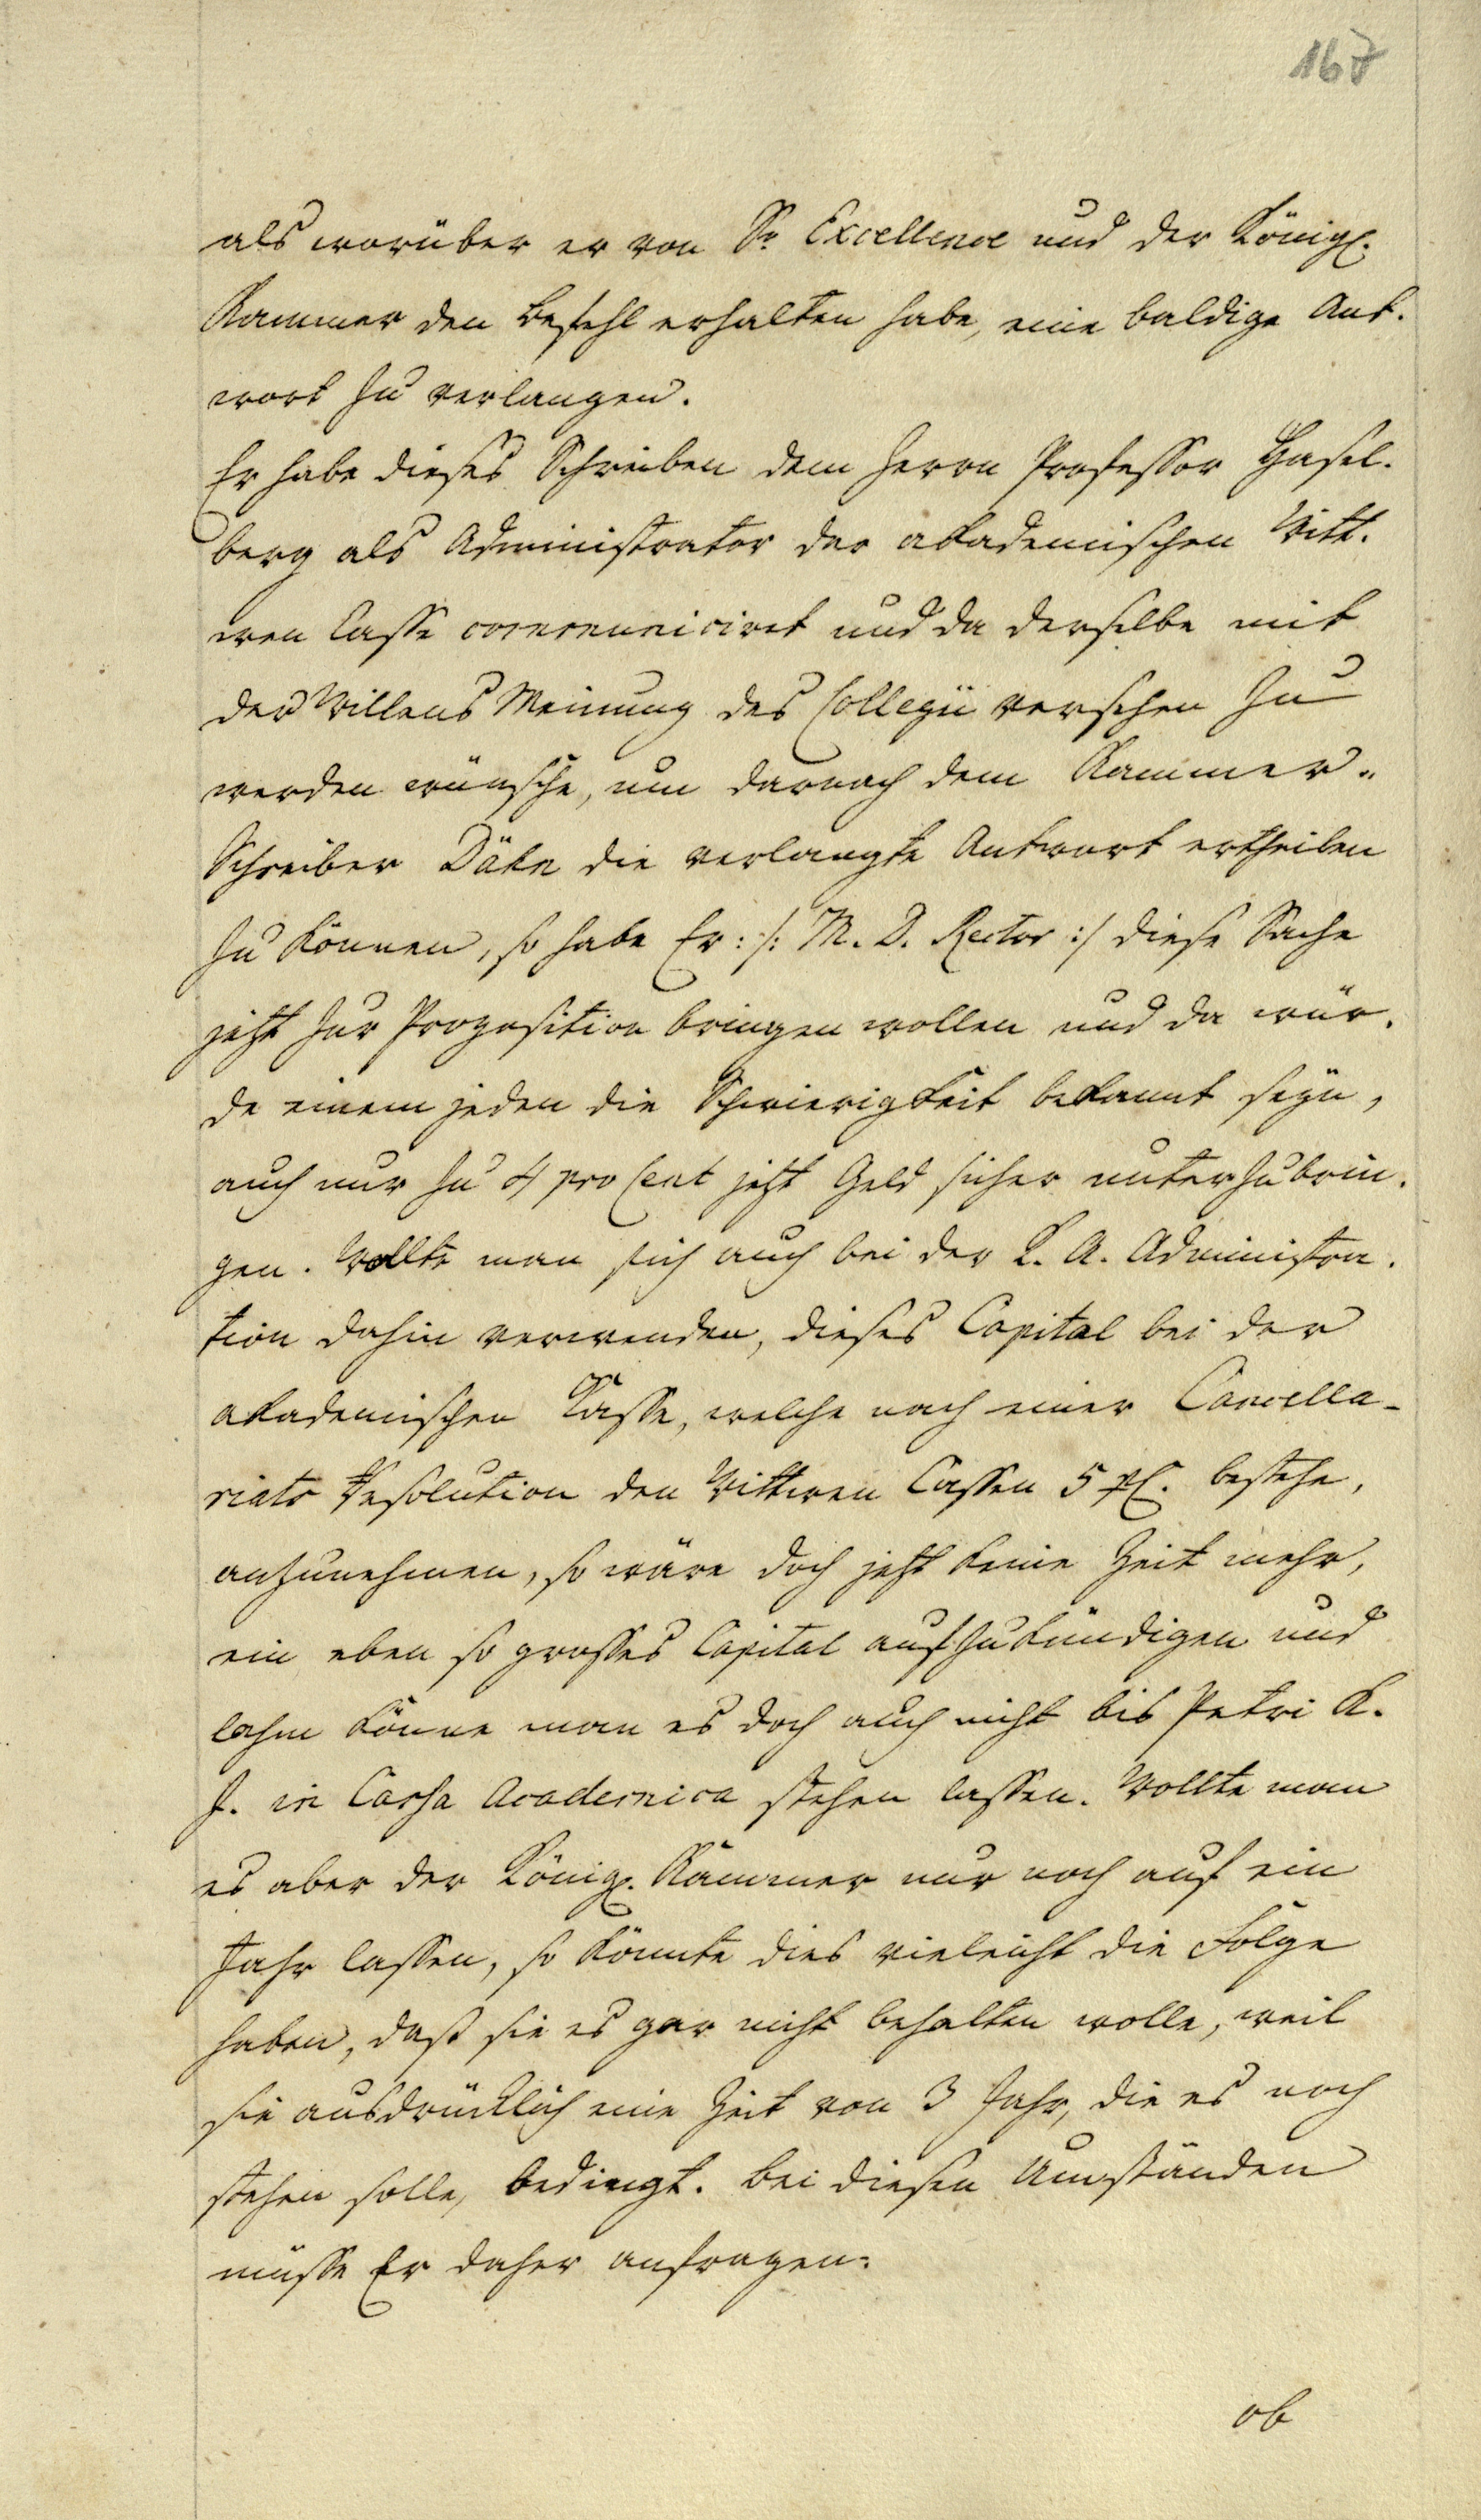als worüber er von Sr Excellence und der Königl.
Kammer den Befehl erhalten habe, eine baldige Ant¬
wort zu verlangen.
Er habe dieses Schreiben dem Herrn Professor Hasel¬
berg als Administrator der akademischen Witt¬
wen Casse communiciret und da derselbe mit
der Willens Meinung des Collegii versehen zu
werden wünsche, um darnach dem Kammer¬
Schreiber Dähn die verlangte Antwort ertheilen
zu können, so habe Er: /: M. D. Rector :/ diese Sache
jetzt zur Proposition bringen wollen und da wür¬
de einem jeden die Schwierigkeit bekannt seÿn,
auch nur zu 4 pro Cent jetzt Geld sicher unterzubrin¬
gen. Wollte man sich auch bei der K. A. Administra¬
tion dahin verwenden, dieses Capital bei der
akademischen Casse, welche nach einer Cancella¬
riats Resolution den Wittwen Cassen 5 pl. bestehe,
anzunehmen, so wäre doch jetzt keine Zeit mehr,
ein eben so grosses Capital aufzukündigen und
lahm könne man es doch auch nicht bis Petri k.
J. in Cassa Academica stehen lassen. Wollte man
es aber der Königl. Kammer nur noch auf ein
Jahr lassen, so könnte dies vieleicht die Folge
haben, daß sie es gar nicht behalten wolle, weil
sie ausdrücklich eine Zeit von 3 Jahr, die es noch
stehen solle, bedingt. Bei diesen Umständen
müsse Er daher anfragen:
ob